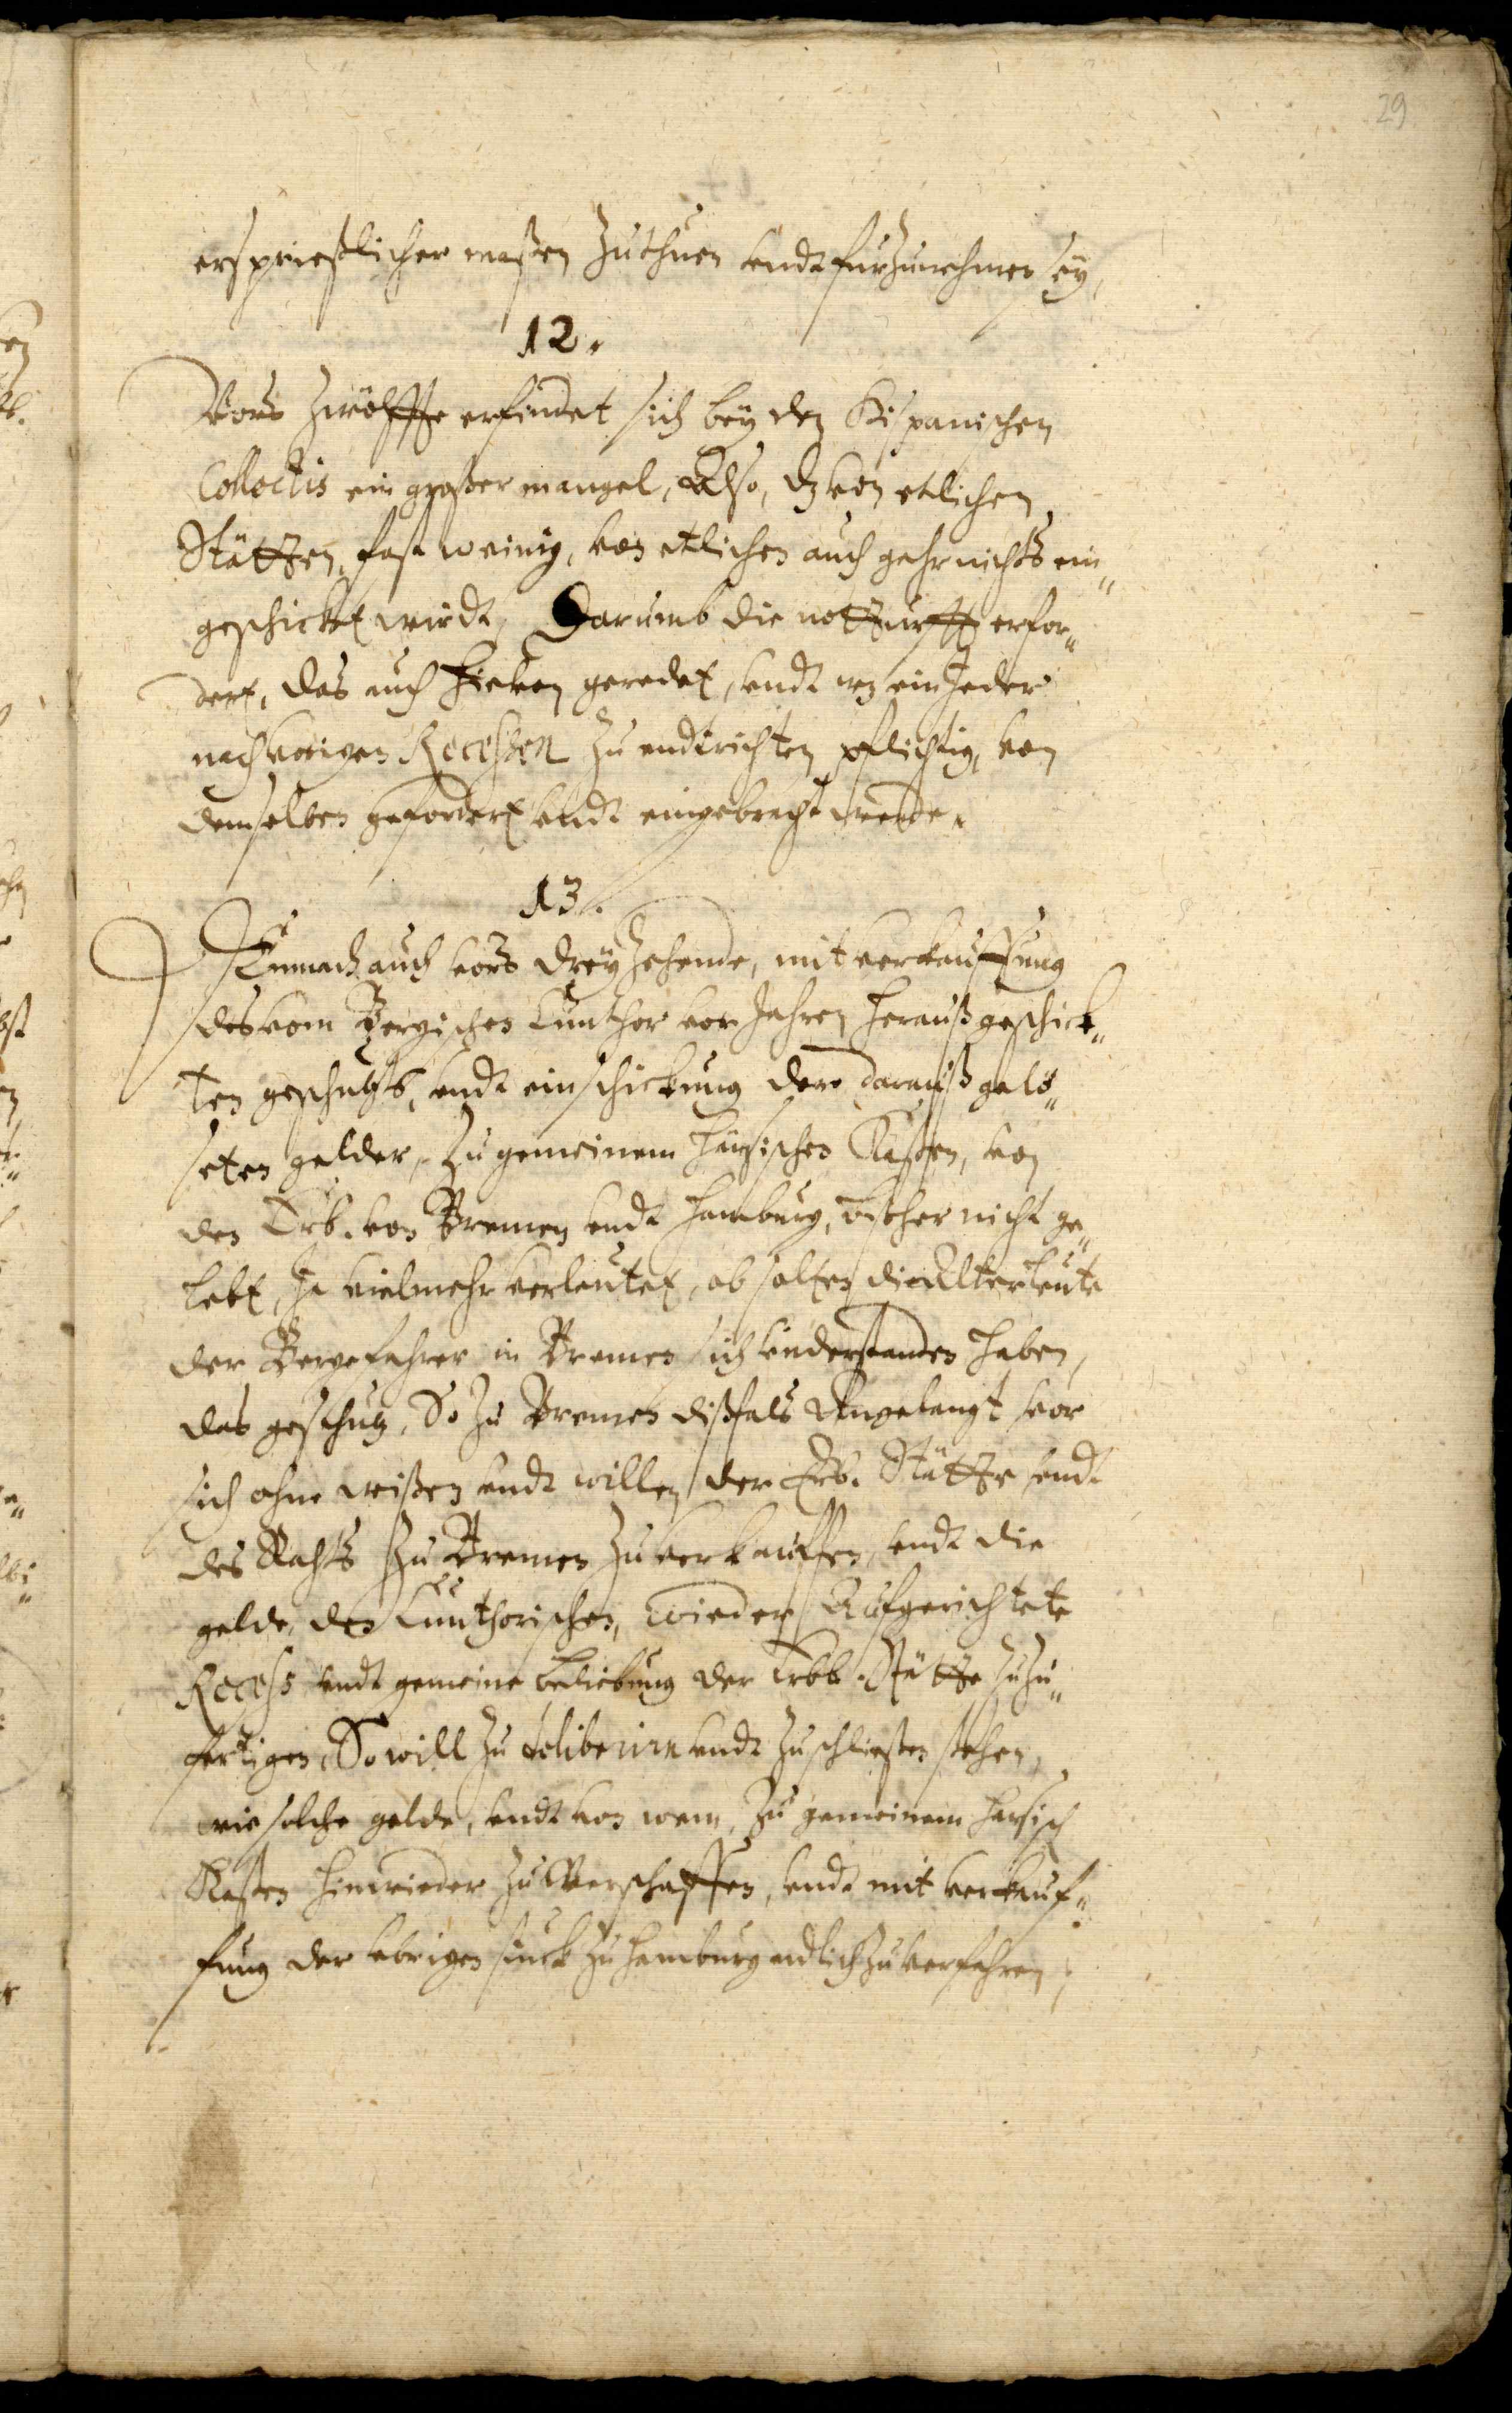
ersprießlicher maßen zuthuen undt furzunehmen seij,
12.
Vors Zwölffte erfindet sich beij den hispanischen
Collectis ein großer mangel, also, den von etlichen
Stätten, fast weinig, von etlichen auch gahr nichts ein¬
geschickt wirdt, darumb die notturfft erfor¬
dert, das auch hievon geredet, vndt wen ein Ieder
nach vorigen Recessen Zu endtrichten pflichtig, von
demselben gefordert vndt eingebracht werde.
13.
DEmnach auch vors dreijZehende, mit verkauffung
des vom Bergischen Cunthor vor Jahren herauß geschick¬
ten geschutzts, vndt ein schickung der darauß gelo¬
seten gelder, zu gemeinem hänsischen Kasten, von
den Erb. von Bremen undt Hamburg, bißher nicht ge¬
lebt, Ie vielmehr verlautet, ob solten die Alterleute
der Bergefahrer in Bremen sich vnderstanden haben,
des geschutz, so zu Bremen dißfals angelangt vor
sich ohne wißen vndt willen der Erb. Stätte vndt
des Rahts zu Bremen zu verkauffen, vndt die
gelde, den Cunthorischen, wieder aufgerichtete
Recess vndt gemeine beliebung der Erbb. Stätte ZuZu¬
fertigen, so will zu deliberirn vndt zu schließen stehen,
wie solche gelde, vndt von wem zu gemeinem hansisch
Kasten hinwieder zu verschaffen, vndt mit verkauf¬
fung der vbrigen stuck zu Hamburg endlich Zu verfahren,
